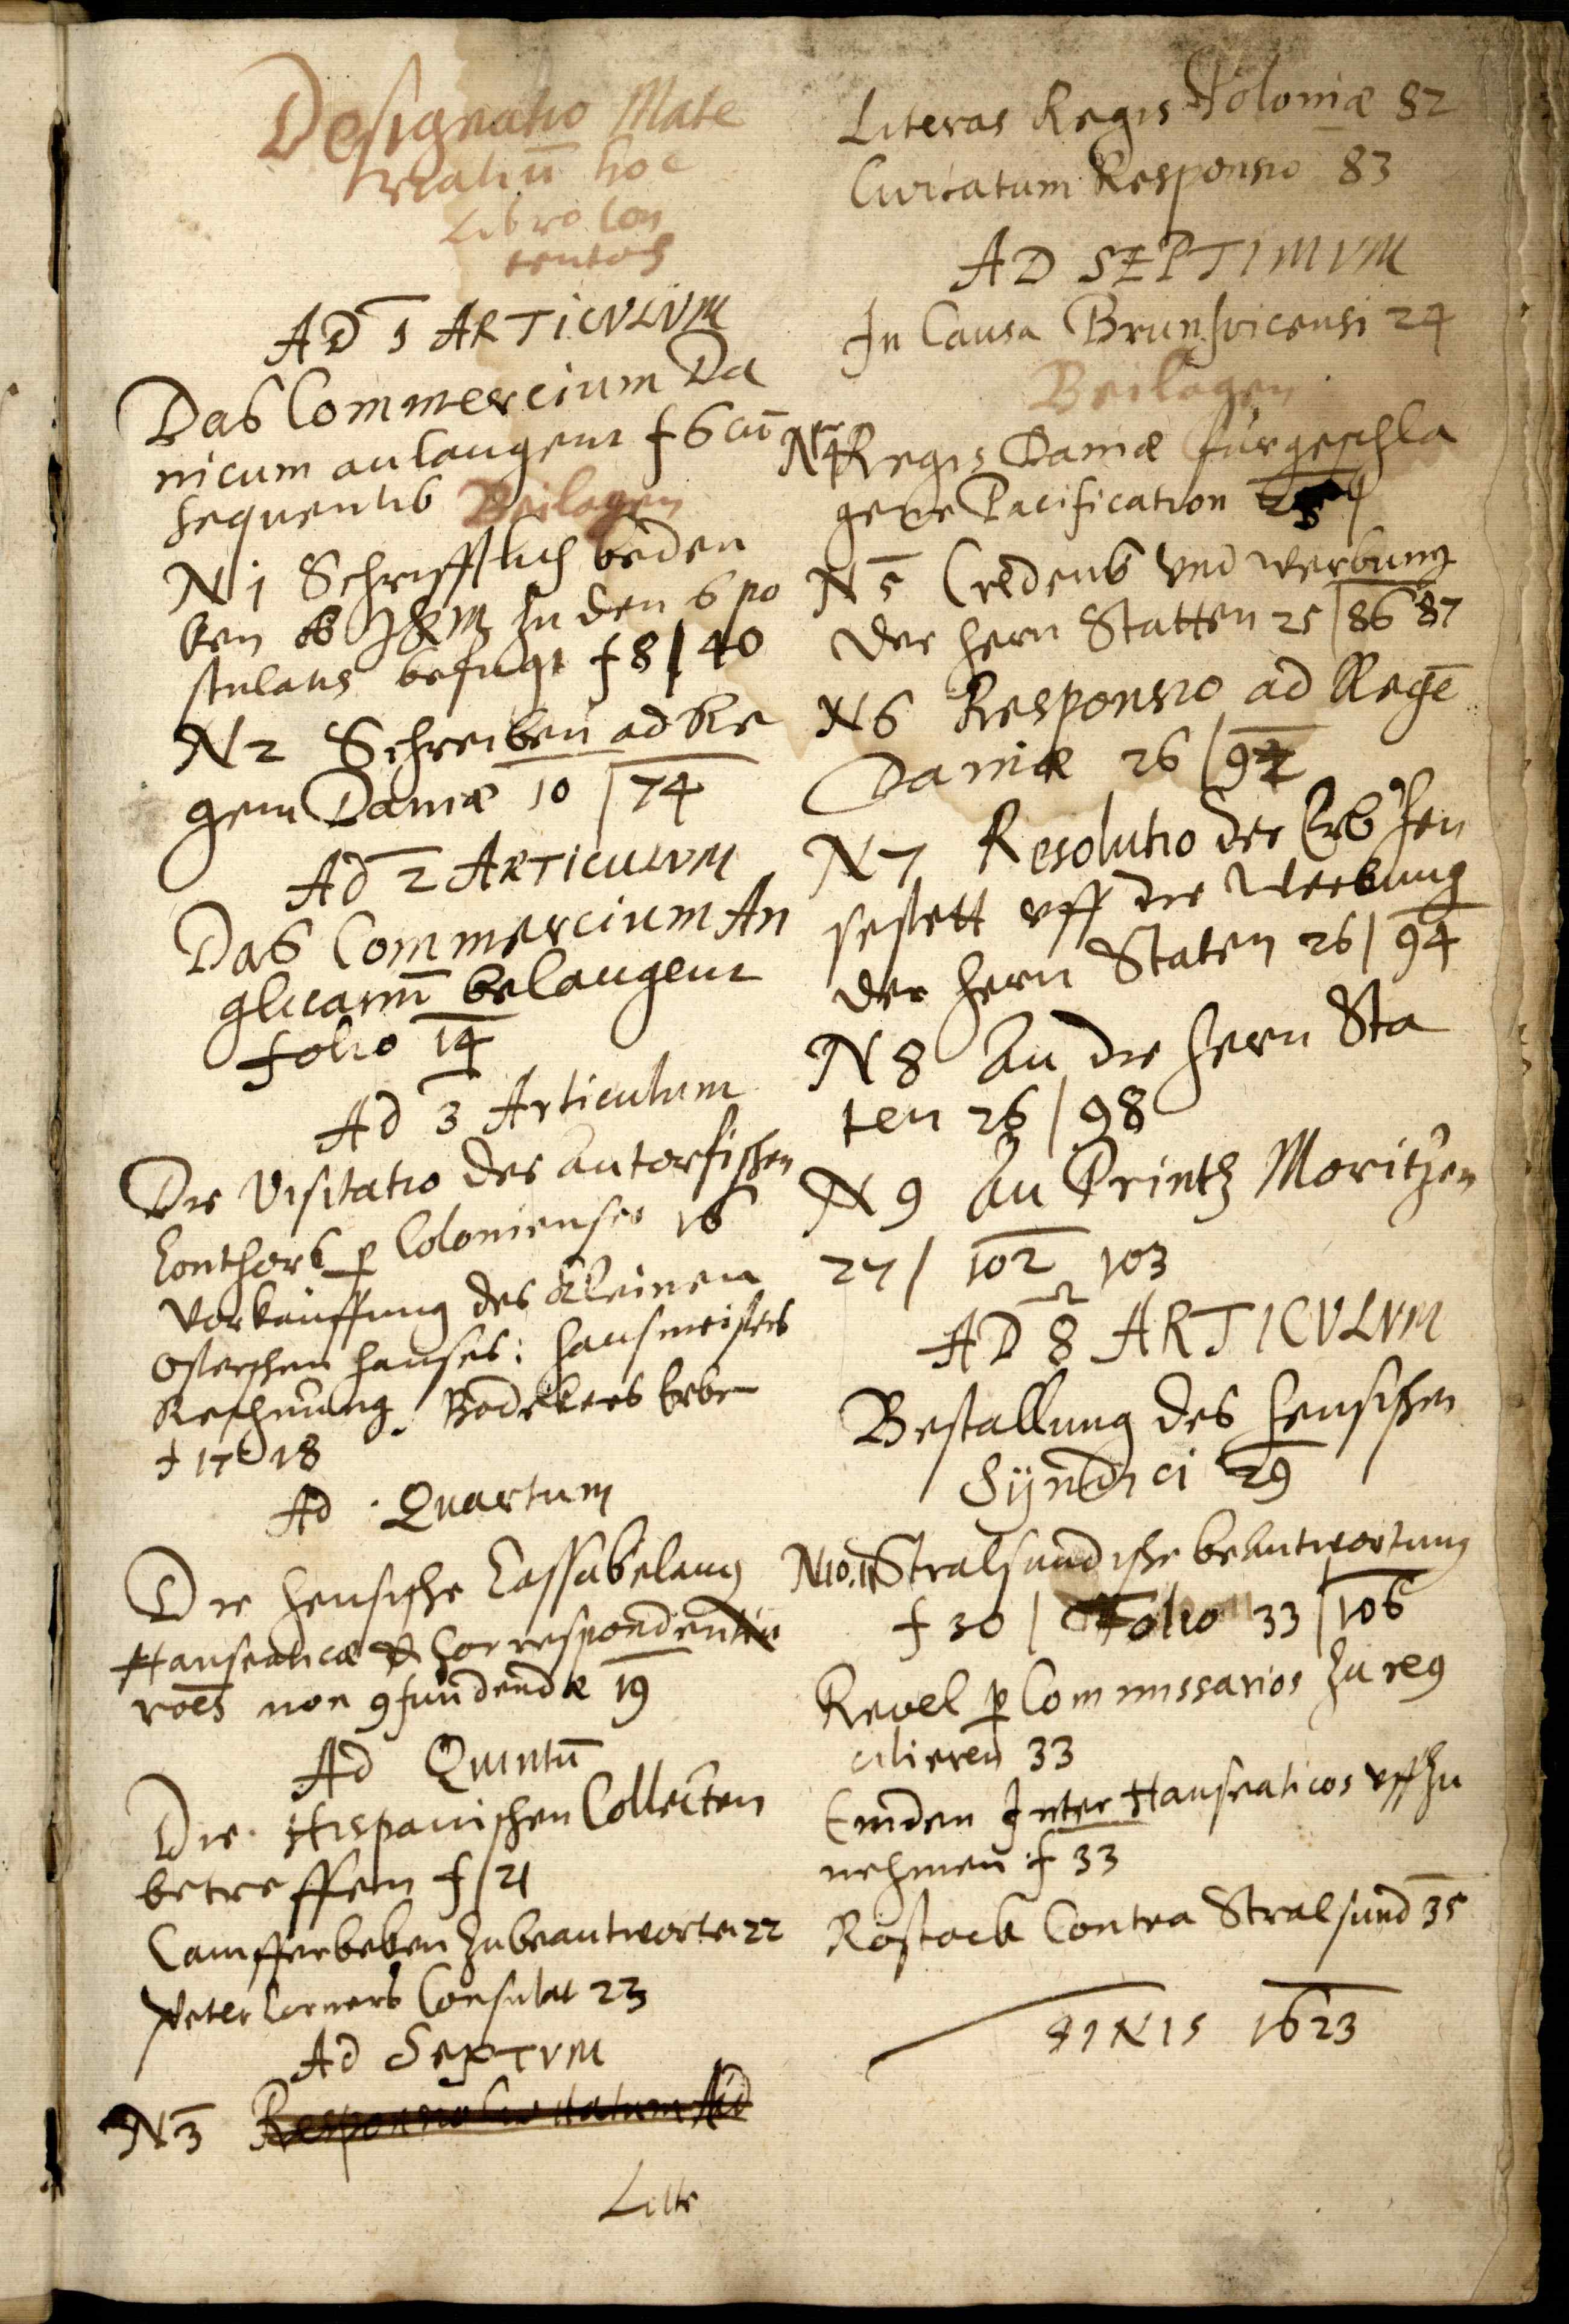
Designatio Mate
rialium hoc
Libro Con
tentos
Ad 1 ARTICVLUM
Das Commercium Da
nicum anlangent f 6 cum
sequentis Beilagen
N 1 Schrifftlich beden
ken ob JKM zu den 6 po
stulans befugt f 8/40
N 2 Schreiben ad Re
gem Daniae 10 / 74
Ad 2 ARTICULVM
Das Commercium An
glicanum belangent
folio 14
Ad 3 Articulum
Die Visitatio des antorfischen
Conthors per Colonienses 16
Vorkauffung des kleinen
Osterschen hauses: hausmeisters
Rechnung, Bodekers Erben
f 17.18
Ad Quartum
Die hensische Cassabelangen
Hanseaticae & Correspondentie
roes non 9 fundende 19
Ad Quintum
Die Hispanischen Collecten
betreffen f 21
Campferbeken zu beantworten 22
Peter Corners Consulat 23
Ad Septum
N 3 Responsio Curtatum Aid
Litte
Literas Regis Poloniae 82
Curtatum Responsio 83
AD SEPTIMVM
In Causa Brunsvicensi 27
Beilagen
N 4 Regis Daniae furgeschla
gene Pacification 254
N 5 Credens vnd werbung
der hern Statten 25 / 86 87
N 6 Rresponsio ad Regem
Daniae 26 / 92
N 7 Resolutio der Erb Hen
sestett vff der Werbung
der hern Staten 26 / 94
N 8 An die hern Sta
ten 26 / 98
N9 An Printz Moritzen
27 / 102 103
AD 8 ARTICVLVM
Bestallung des hensischen
Sijndici 29
N 10.11 Stralsundische beantwortung
f 30 / Folio 33 / 106
Revel per Comimissarios zu recon
cilieren 33
Emden Inter Hanseaticos vffzu
nehmen f 33
Rostock Contra Stralsund 35
FINIS 1623
